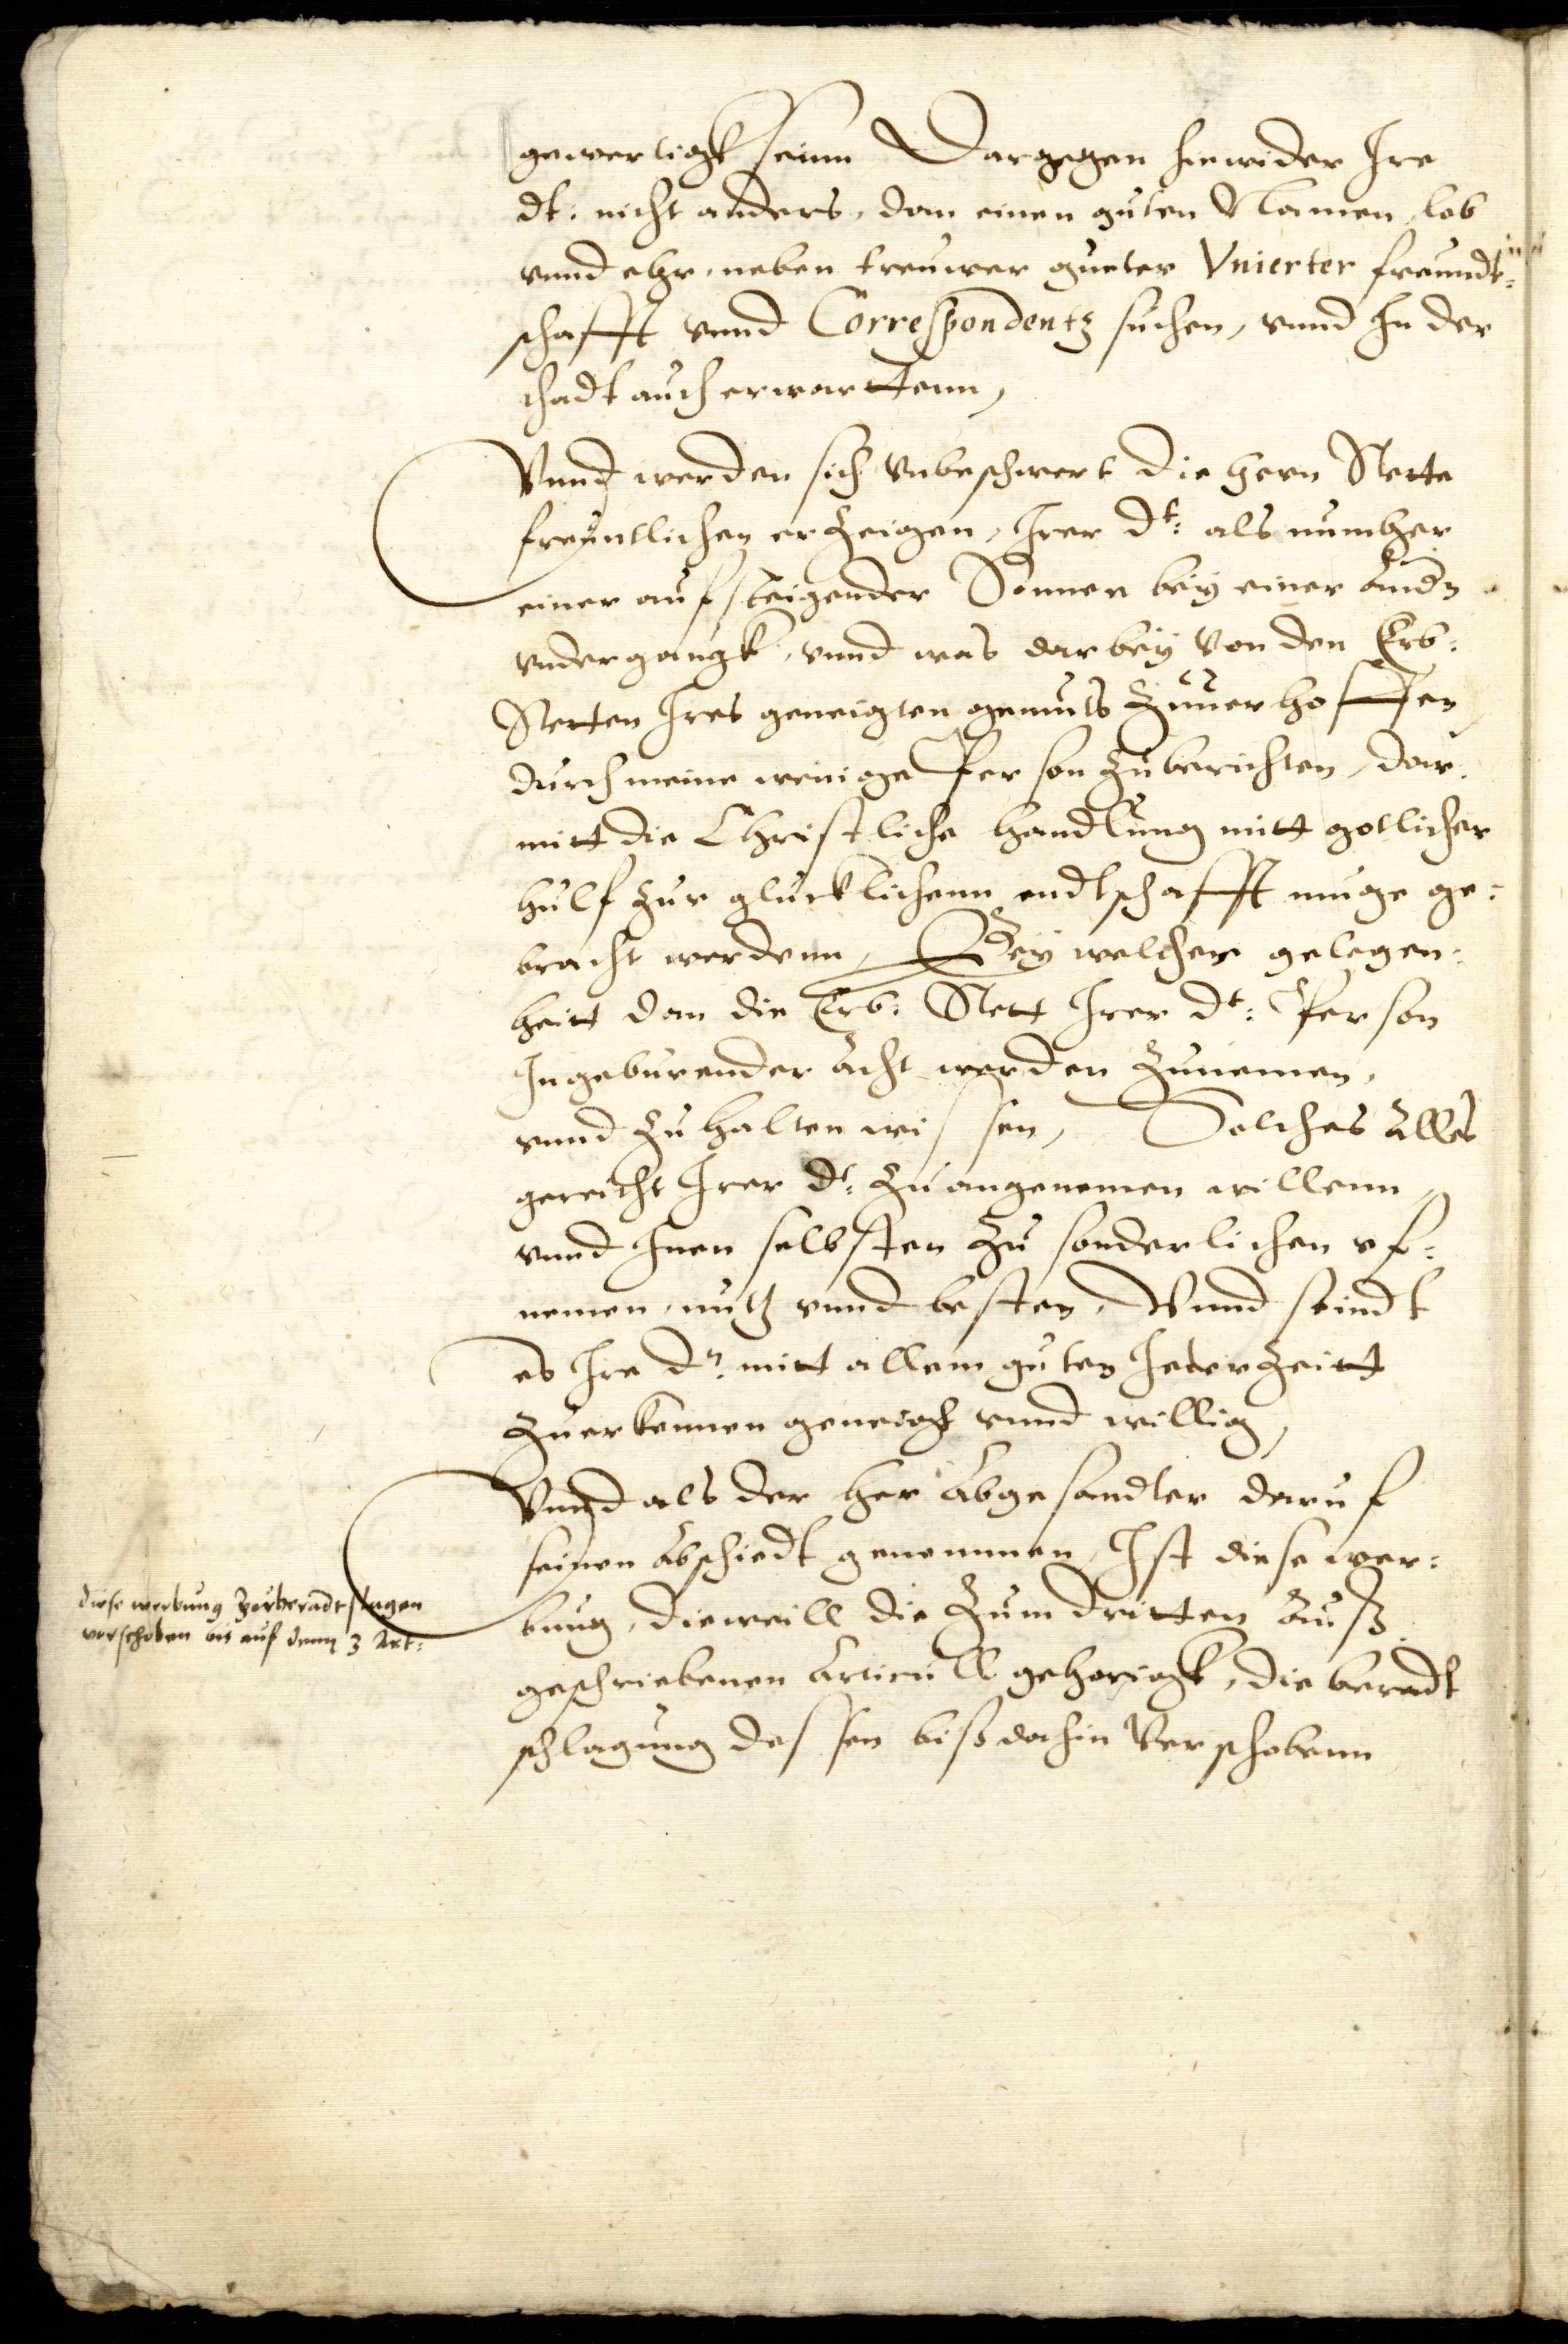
gewertigk seinn Dargegen hinwider Jre
dt. nicht anders, dan einen guten Namen, lob
vnnd ehr, neben treuwer gueter Vnierter freundt¬
schafft vnnd Correspondentz suchen, vnnd Jn der
thadt auch erwarttenn,
Vnnd werden sich vnbeschwert die hern Stette
freuntlichen erzeigen, Jrer Dt: als numher
einer aufsteigender Sonnen beij einer andern
vndergangk, vnnd was darbeij von den Erb:
Stetten Jres geneigten gemuts zuuerhoffen
durch meine wenige Person zu berichten, dar
mitt die Christliche handlung mitt gotlicher
hulf zur glucklichenn endtschafft muge ge¬
bracht werdenn, Beij welcher gelegen¬
heitt dan die Erb. Stett Jrer Dt: Person
In geburender acht werden zunemen,
vnnd zu halten wissen, Solches alles
gereicht Jrer Dt, zu angenemen willenn
vnnd Jnen selbsten zu sonderlichen vf¬
nemen, nutz vnnd besten, Vnnd seindt
es Jre Dt. mitt allem guten Jederzeitt
zuerkennen geneigt vnnd willig,
diese werbung zur beradtslagen
verschoben bis auf denn 3 Art:
Vnnd als der her Abgesandter daruf
seinen Abschiedt genommen, Jst diese wer¬
bung, dieweill die zum dritten auß¬
geschriebenen articull gehorigk, die beradt
schlagung dessen biß dahin verschobenn
